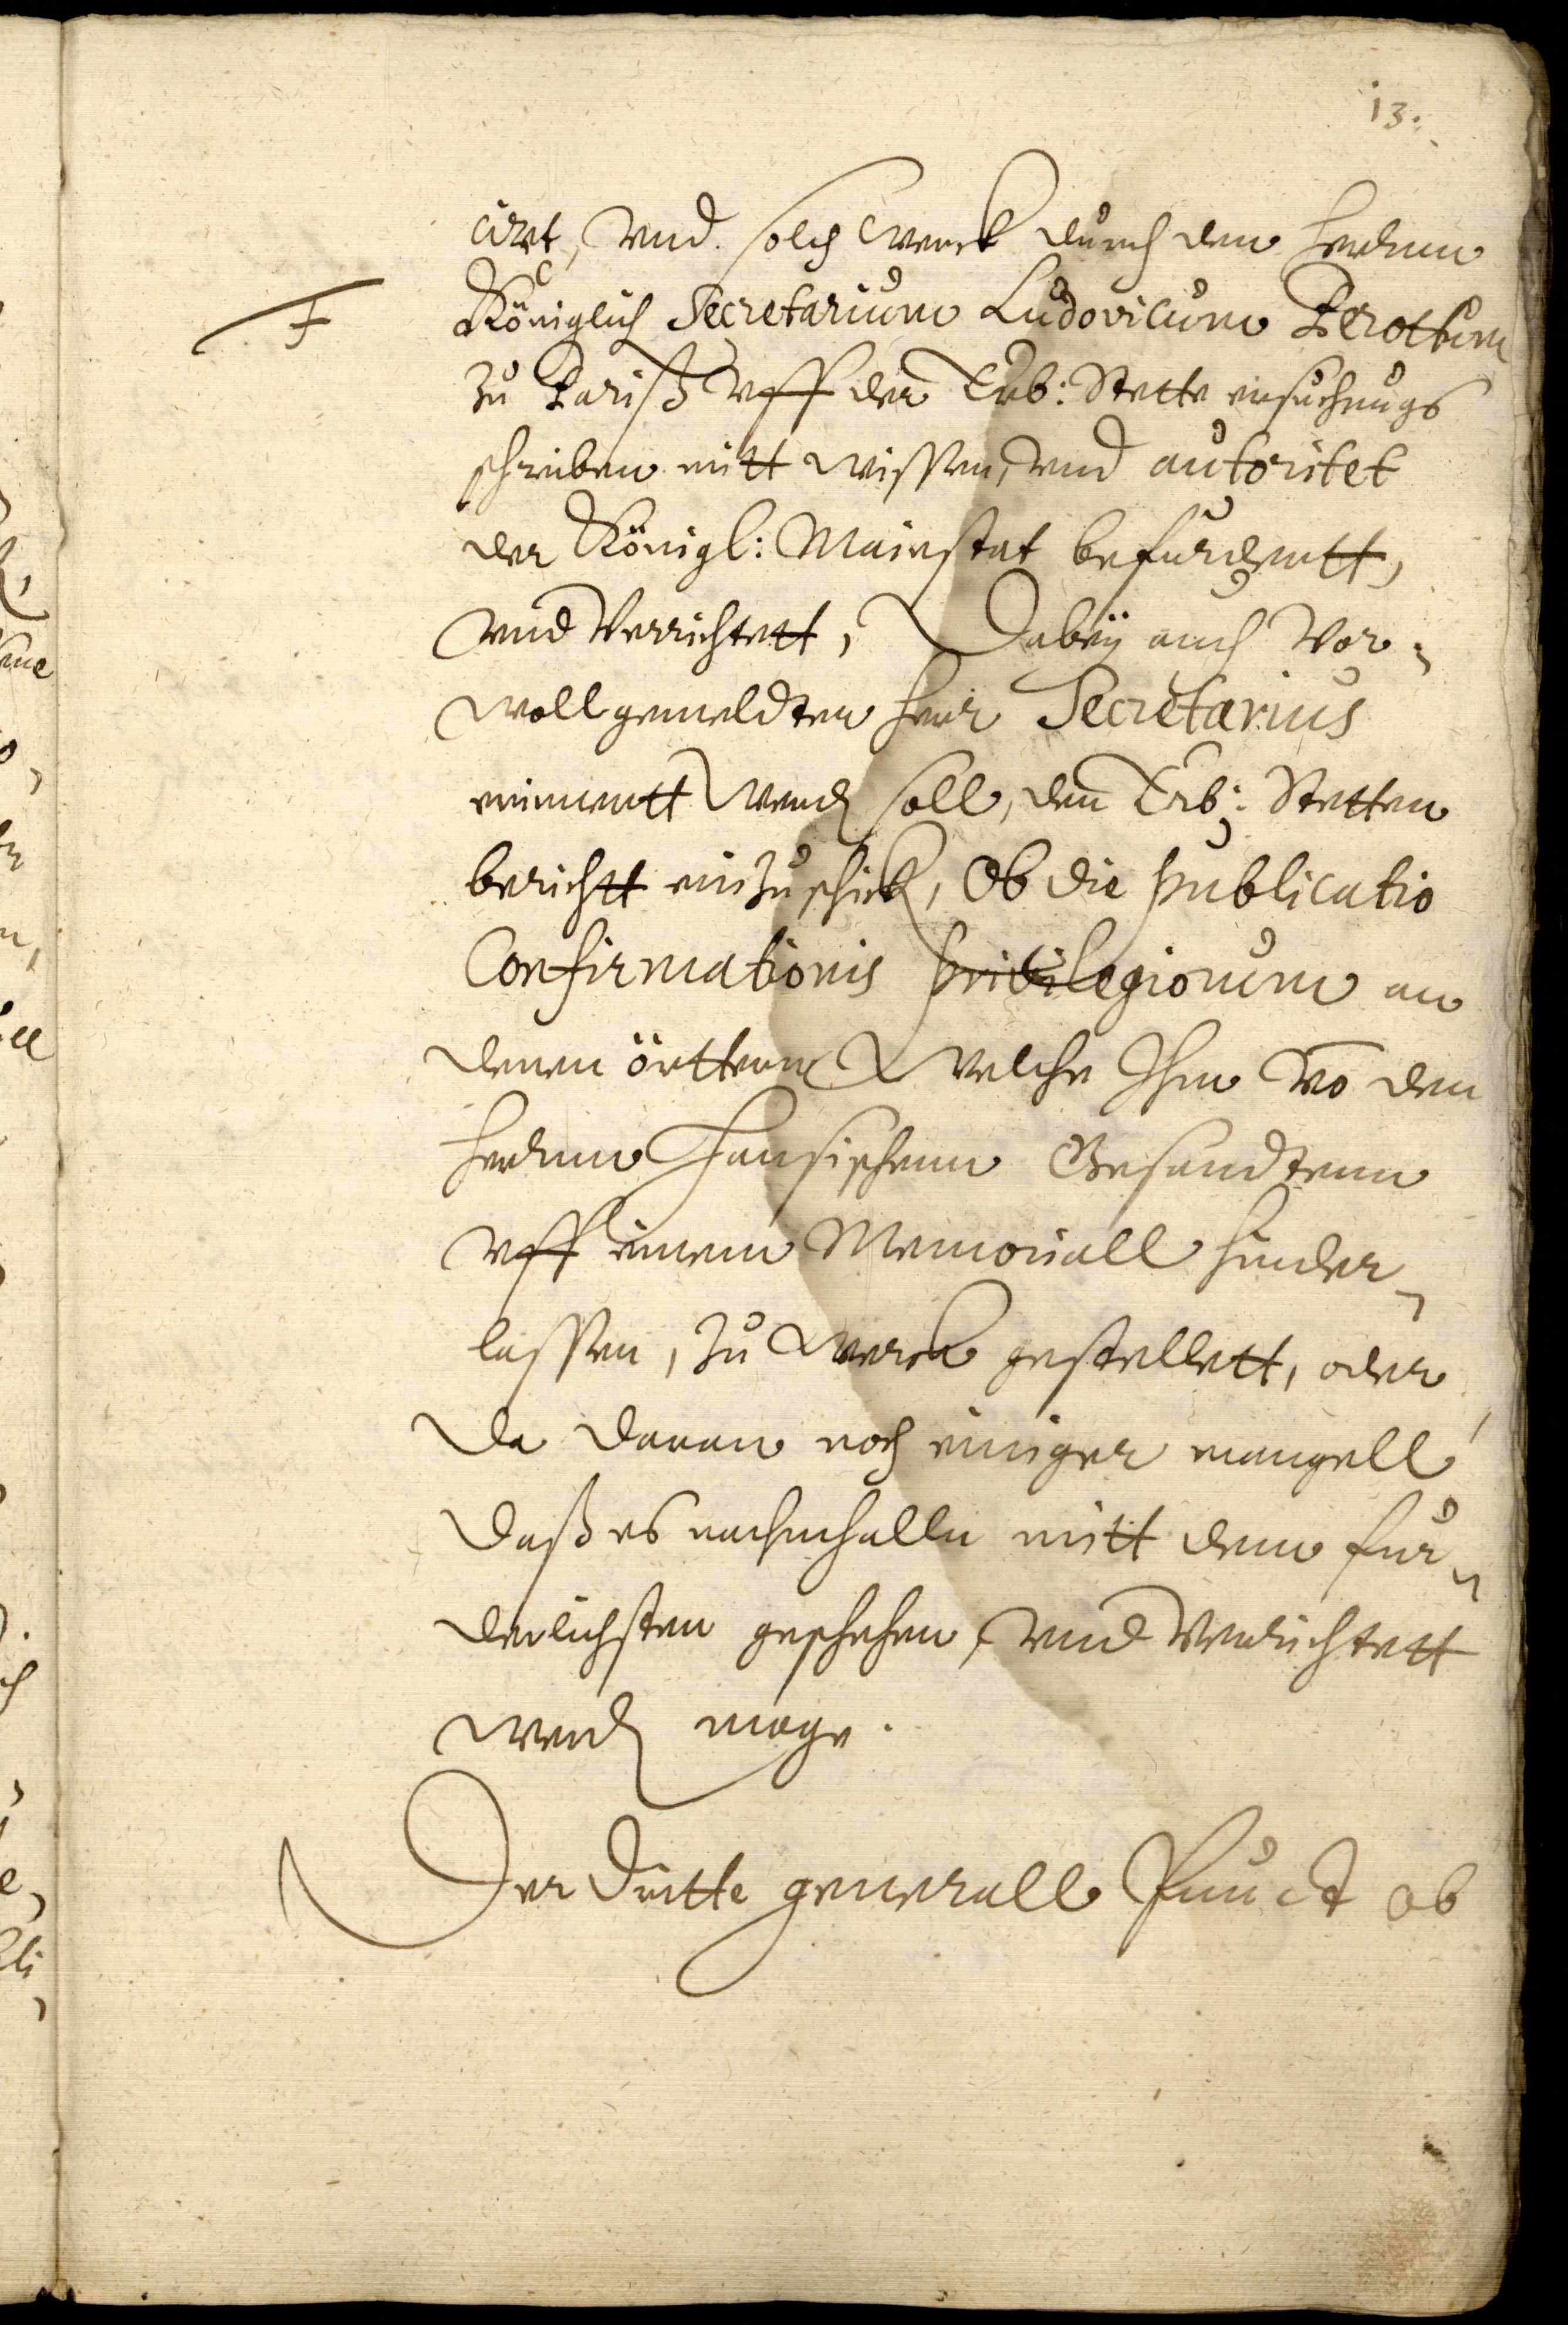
13.
F
ciret,vnd solch werck durch den herrnn
Königlichen Secretarium Ludovicum Perottum
zu Paris uff der Erb: Stette ersuchungs
schreiben mitt wissen, vnd autoritet
der Königl:Maiestet befurdertt,
vnd Verrichtet, Dabeij auch Vor¬
wollgemeldten herr Secretarius
erinnertt werden soll, den Erb:stetten
berichtt einzuschicken, Ob die publicatio
Confirmationis privilegiorum an
denen örttern welche Ihm von den
herrn hansischen Gesandtenn
uff einem Memoriall hinder¬
lassen, zu werck gestellett,oder
da daran noch einiger mangell
daß es nachmhalln mitt dem fur¬
derlichsten geschehen, vnd verdichtett
werden moge.
Der dritte generall Punct ob
